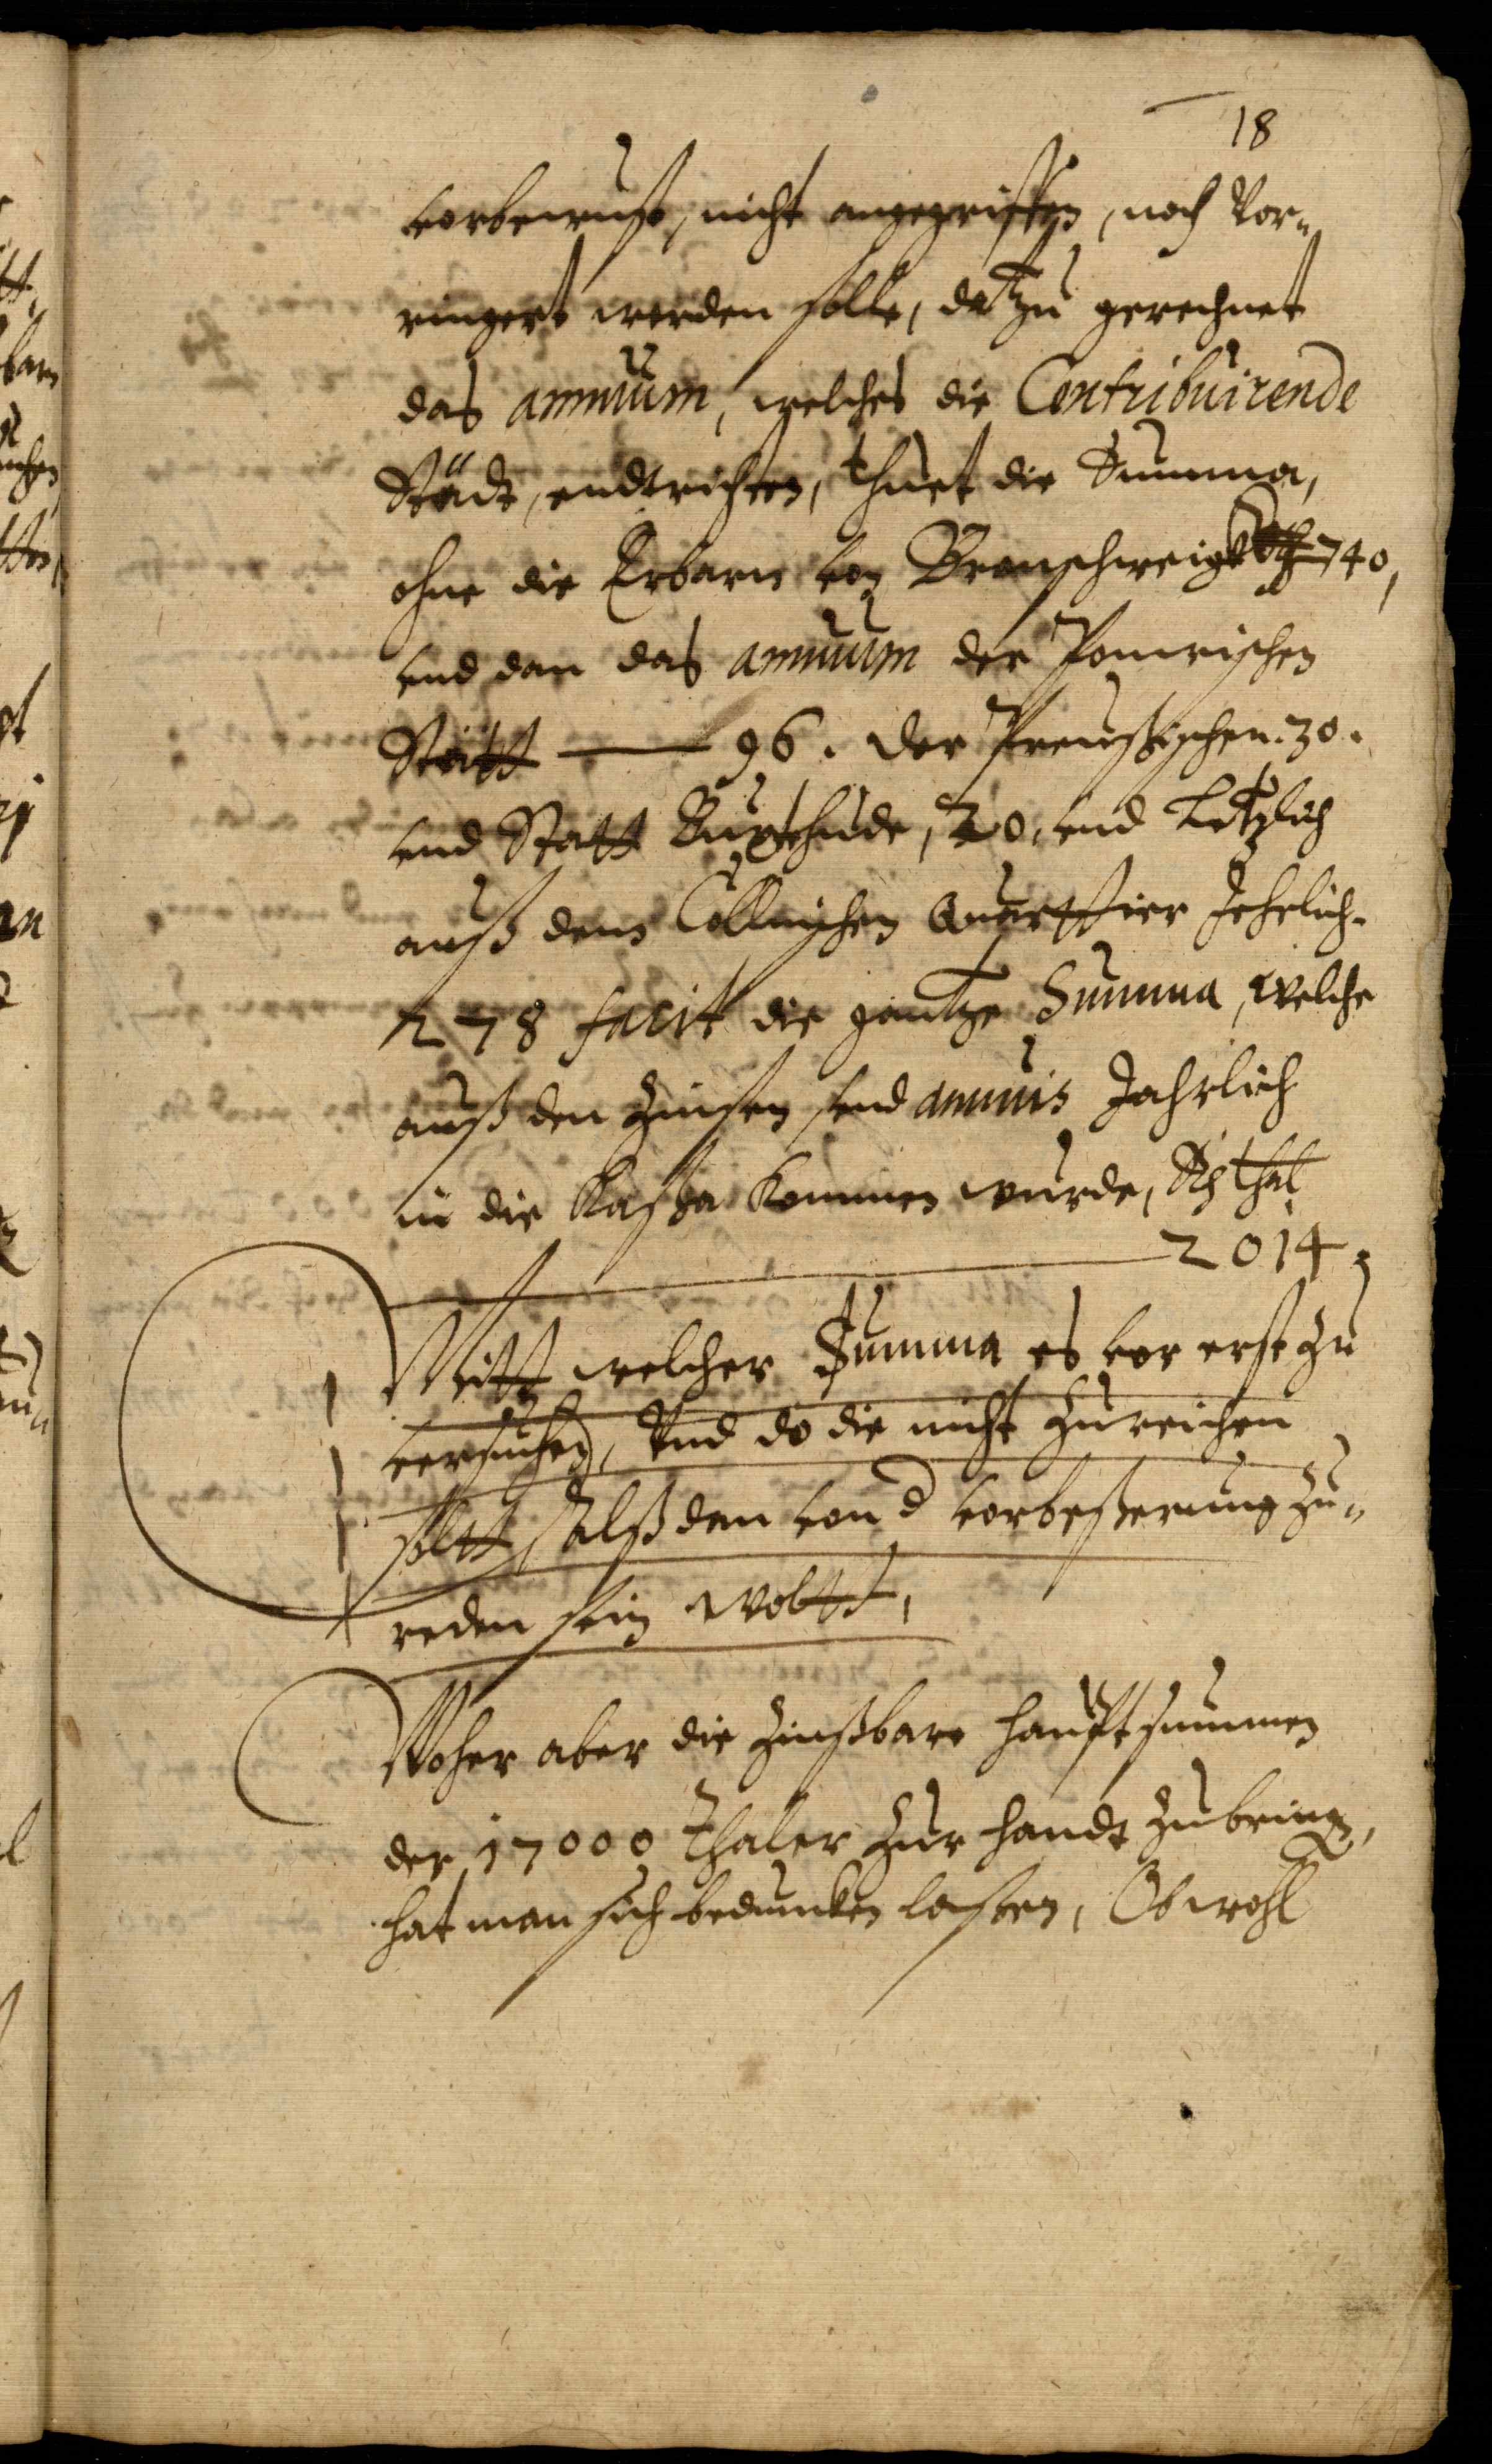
18
vorbewust nicht angegriffen, noch vor¬
ringert werden solle, datzu gerechnet
das annum, welches die Contribuirende
Städt, endtrichten, thuet die Summa
ohne die Erbarn von Branschweigk Reichsthaler 740,
vnd dan das annuum der Pomrischen
Stätt _ 96. der Preußischen .30.
vnd Statt Buxtehude, 30, vnd Letzlich
auß dem Collnischen Quarttier Jehrlich.
278 facit die gantze Summa, welche
auß den zinsen vnd annuis Jahrlich
in die Kassa kommen wurde, Reichsthaler
2014.
Mitt welcher Summa es vor erst zu
versuchen, vnd do die nicht zureichen
soltt, alß dan von der vorbeßerung zu¬
reden sein woltt,
Woher aber die zinßbare hauptsummen
der 17000 Thaler zur handt zubringen,
hat man sich bedunken laßen, Obwoll
